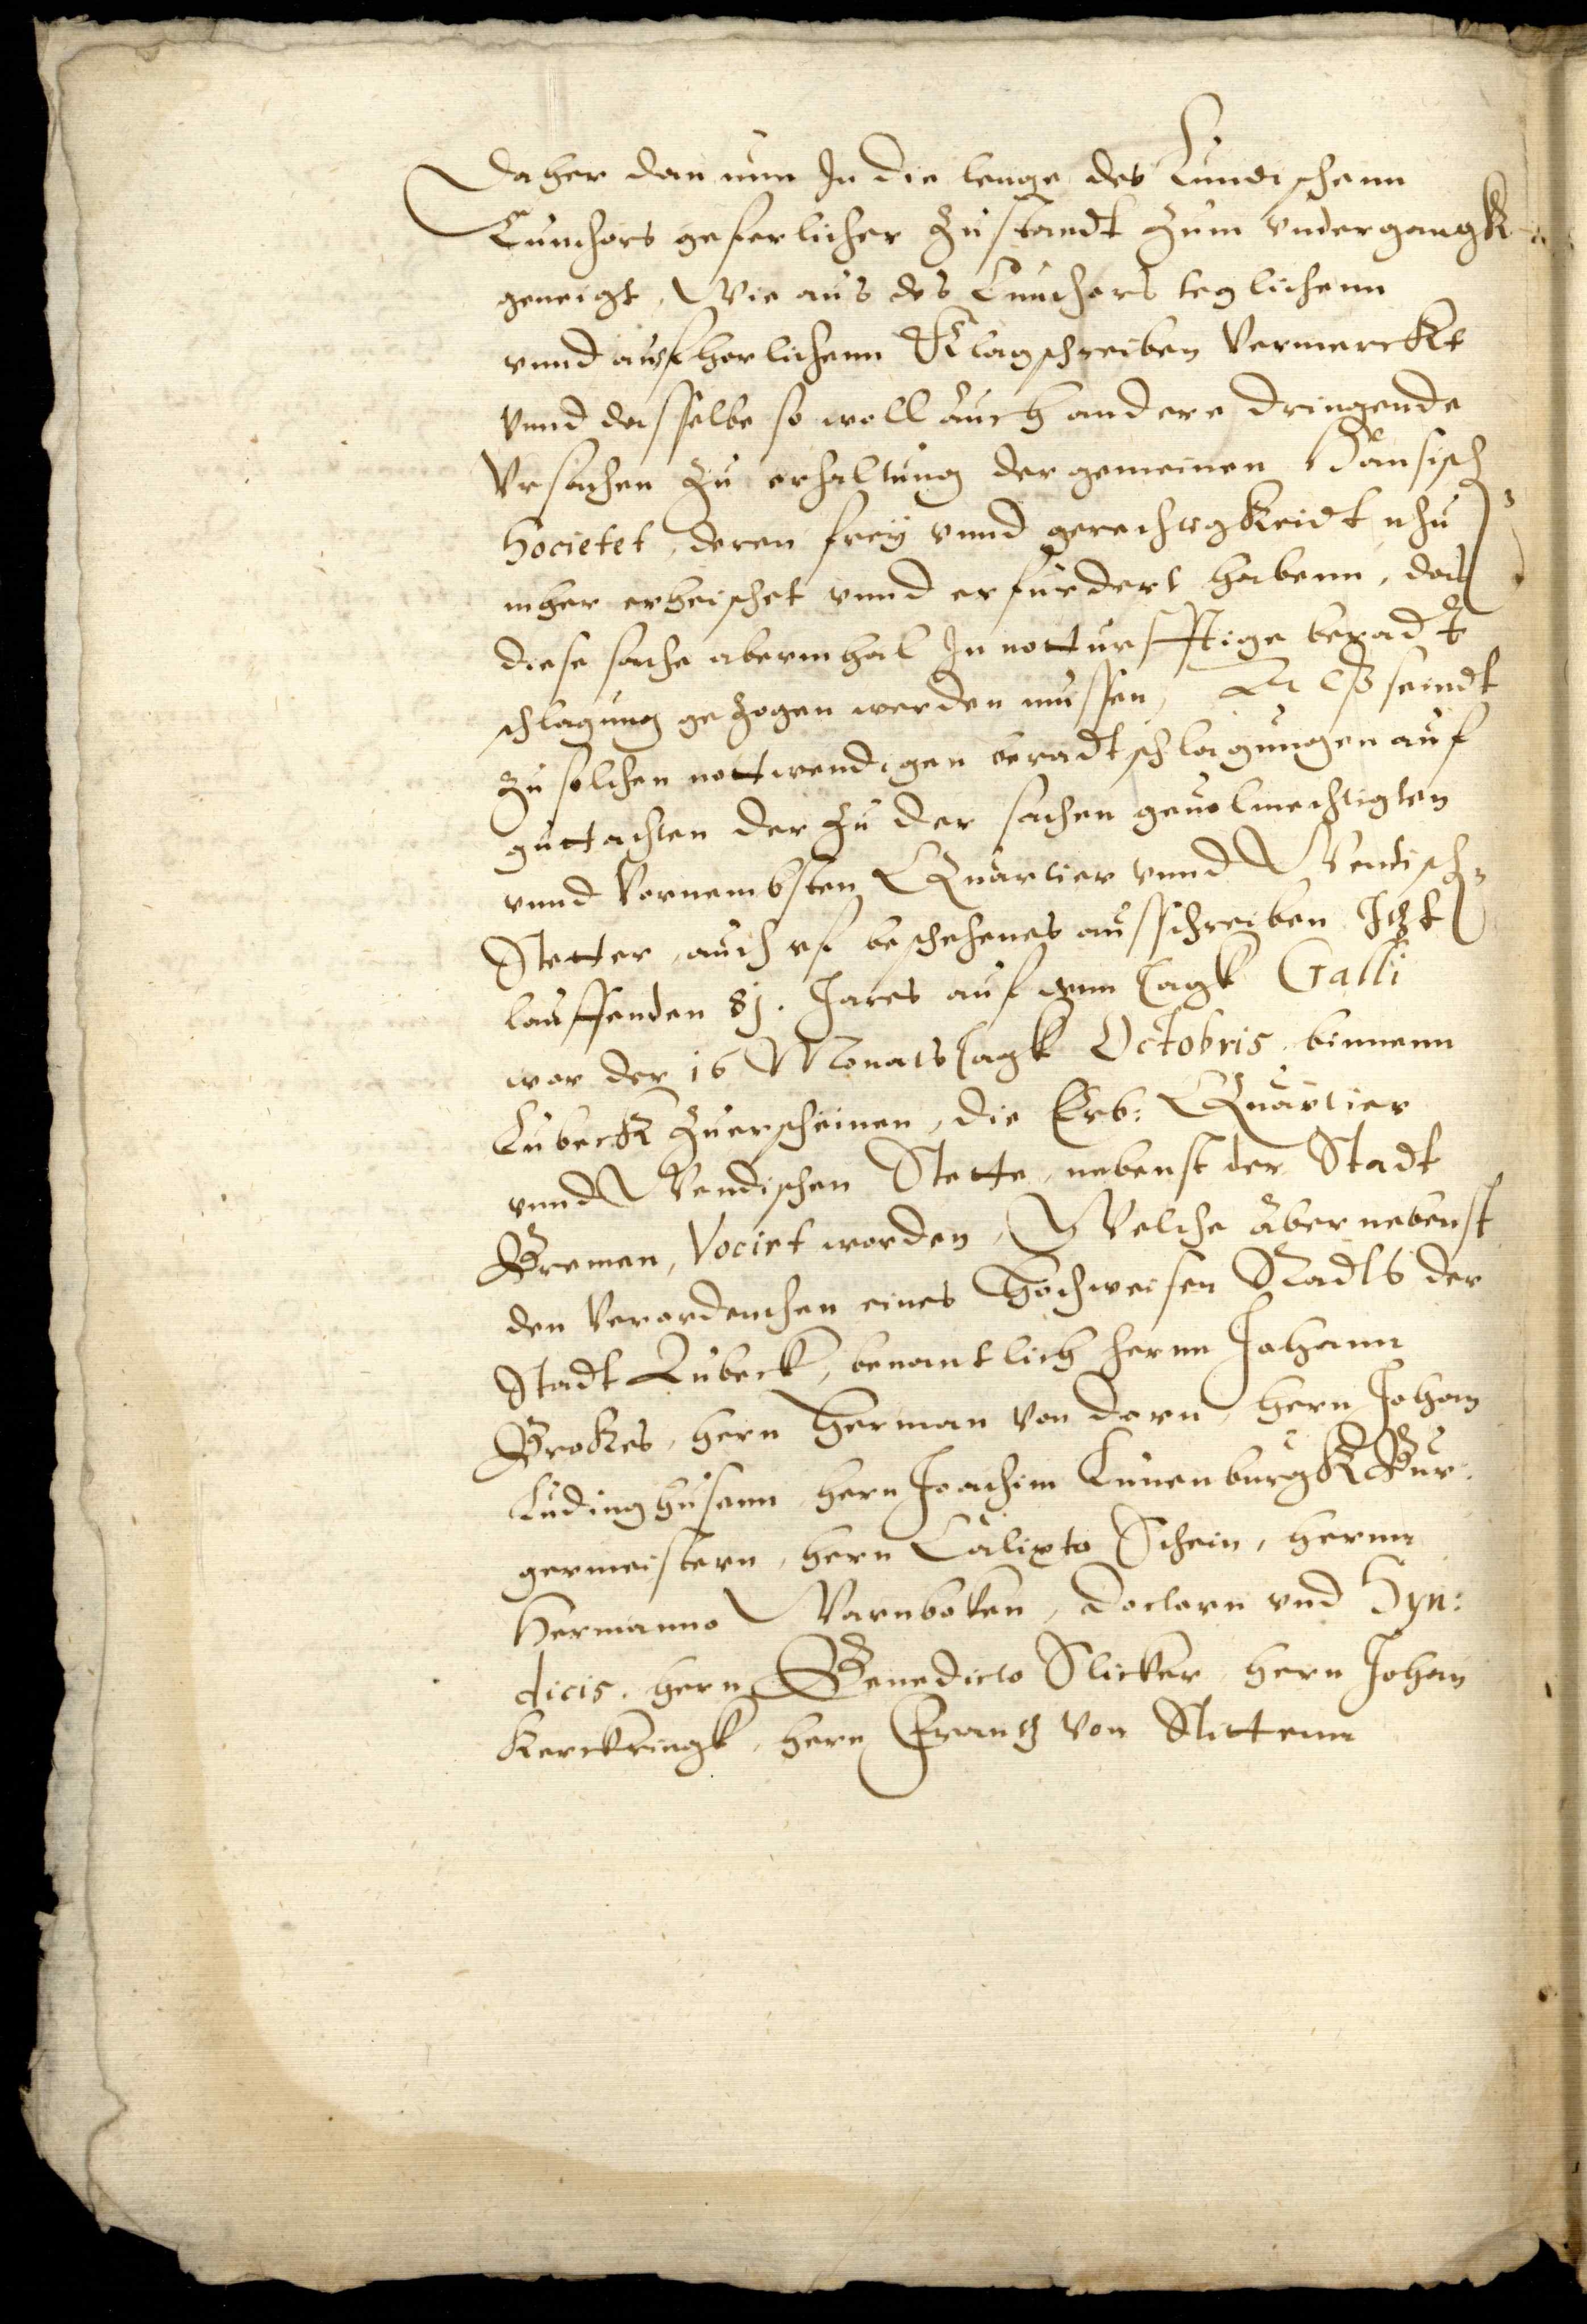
daher dan nun Jn die lenge des Lundischenn
Cunthors geferlicher zustandt zum undergangk
geneigt, wie aus des Cunthors teglichenn
vnnd ausfhorlichenn Klagschreiben vermerckt
vnnd dasselbe so woll auch andere dringende
Vrsachen zu erhaltung der gemeinen Hansischen
Societet, deren freij vnnd gerechtigkeidt nhu
mher erheischet unnd erfurdert habenn, das
diese sache abermhal Jn notturfttige beradt
schlagung gezogen werden mussen, Alß seindt
zu solchen nottwendigen beradtschlagungen auf
guttachten der zu der sachen geuolmechtigten
unnd vornembsten Quartier vnnd Wendischen
Stetter, auch vf beschehenes ausschreiben Jtzt
lauffenden 81. Jares auf dem Tagk Galli
wor der 16 Monats tagk Octobris binnenn
Lubeck zu erscheinen, die Erb: Quartier
vnnd Wendischen Stette, nebenst der Stadt
Bremen, Vocirt worden, Welche aber nebenst
den Verordenthen eines hochweisen Radts der
Stadt Lubeck benantlich hernn Johann
Brokes, hern Herman von Dern,hern Johan
Ludinghusenn hern Joachim Lunenburgk Bur¬
germeisterrn, hern Calixto Schein, hernn
Hermanno Warnboken, Doctorn vnd Syn¬
dicis, hern Benedicto Slicker, hern Johan
Kerckringk, hern Frantz von Stittenn
